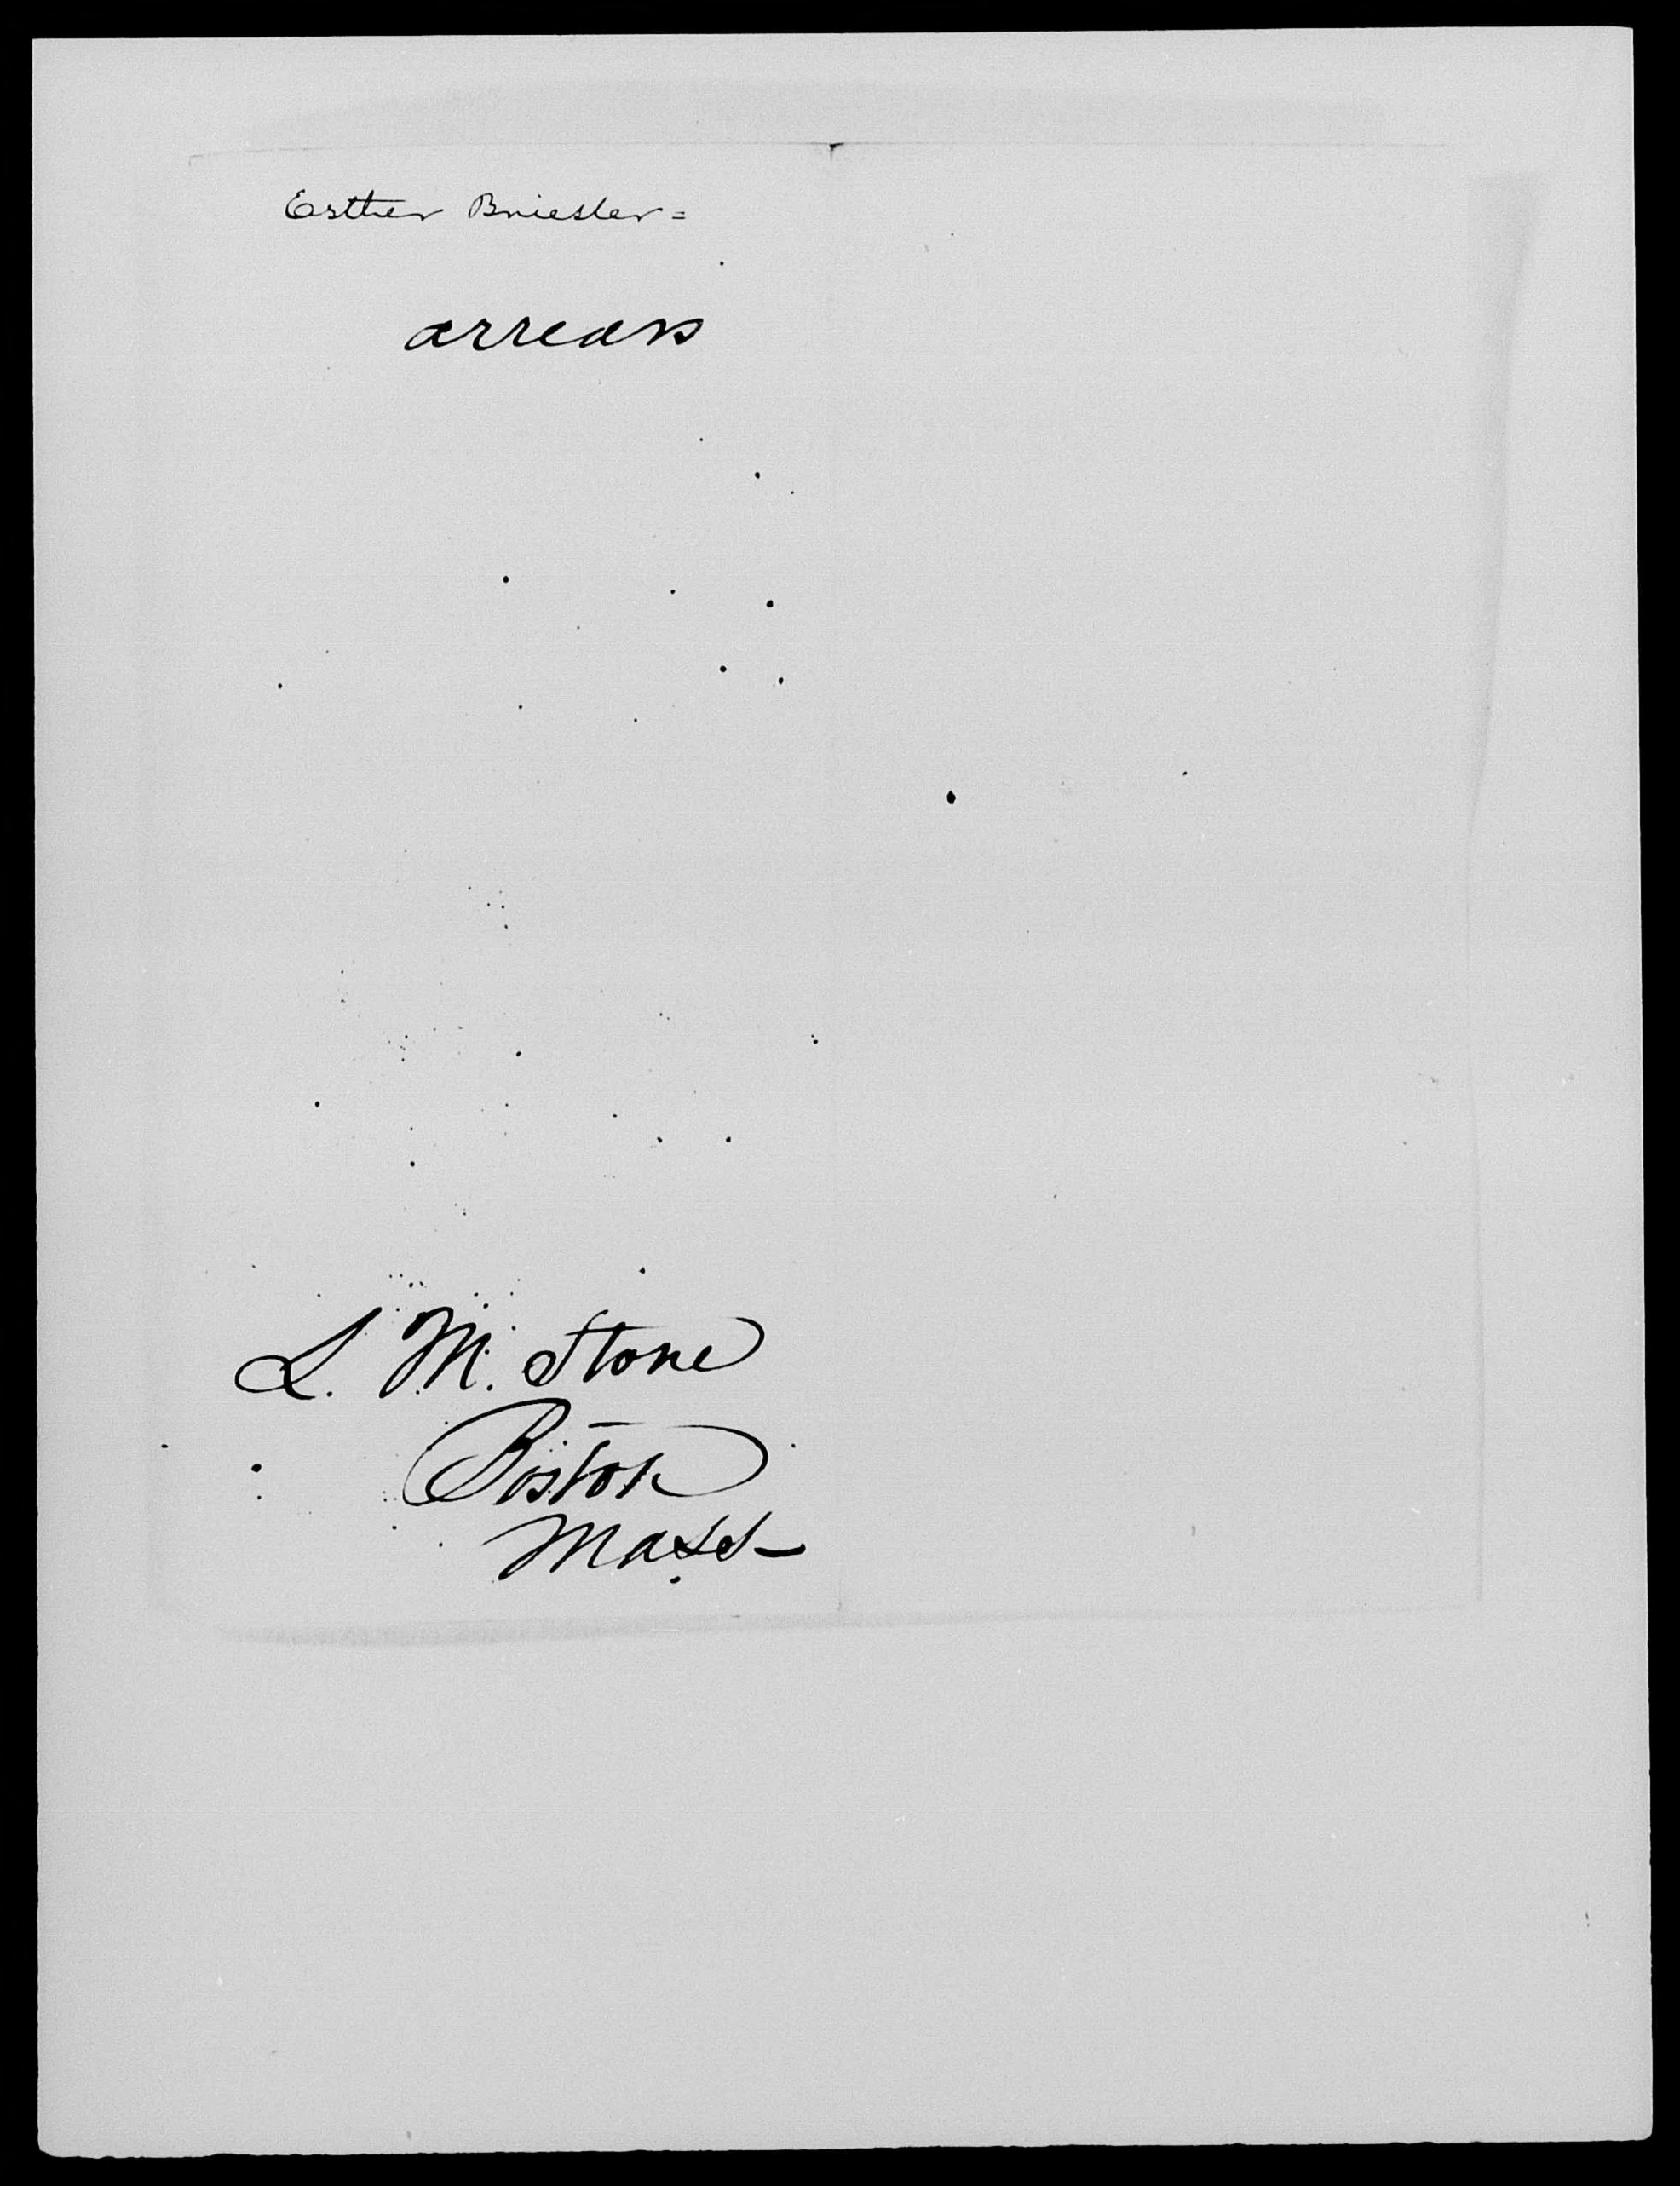Esther Briesler 
Arrears

L. M. Stone 
Boston Mass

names: L M Stone, Esther Briesler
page: 22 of 46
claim: widow's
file: W. 23,673, John Brisler, Mass.